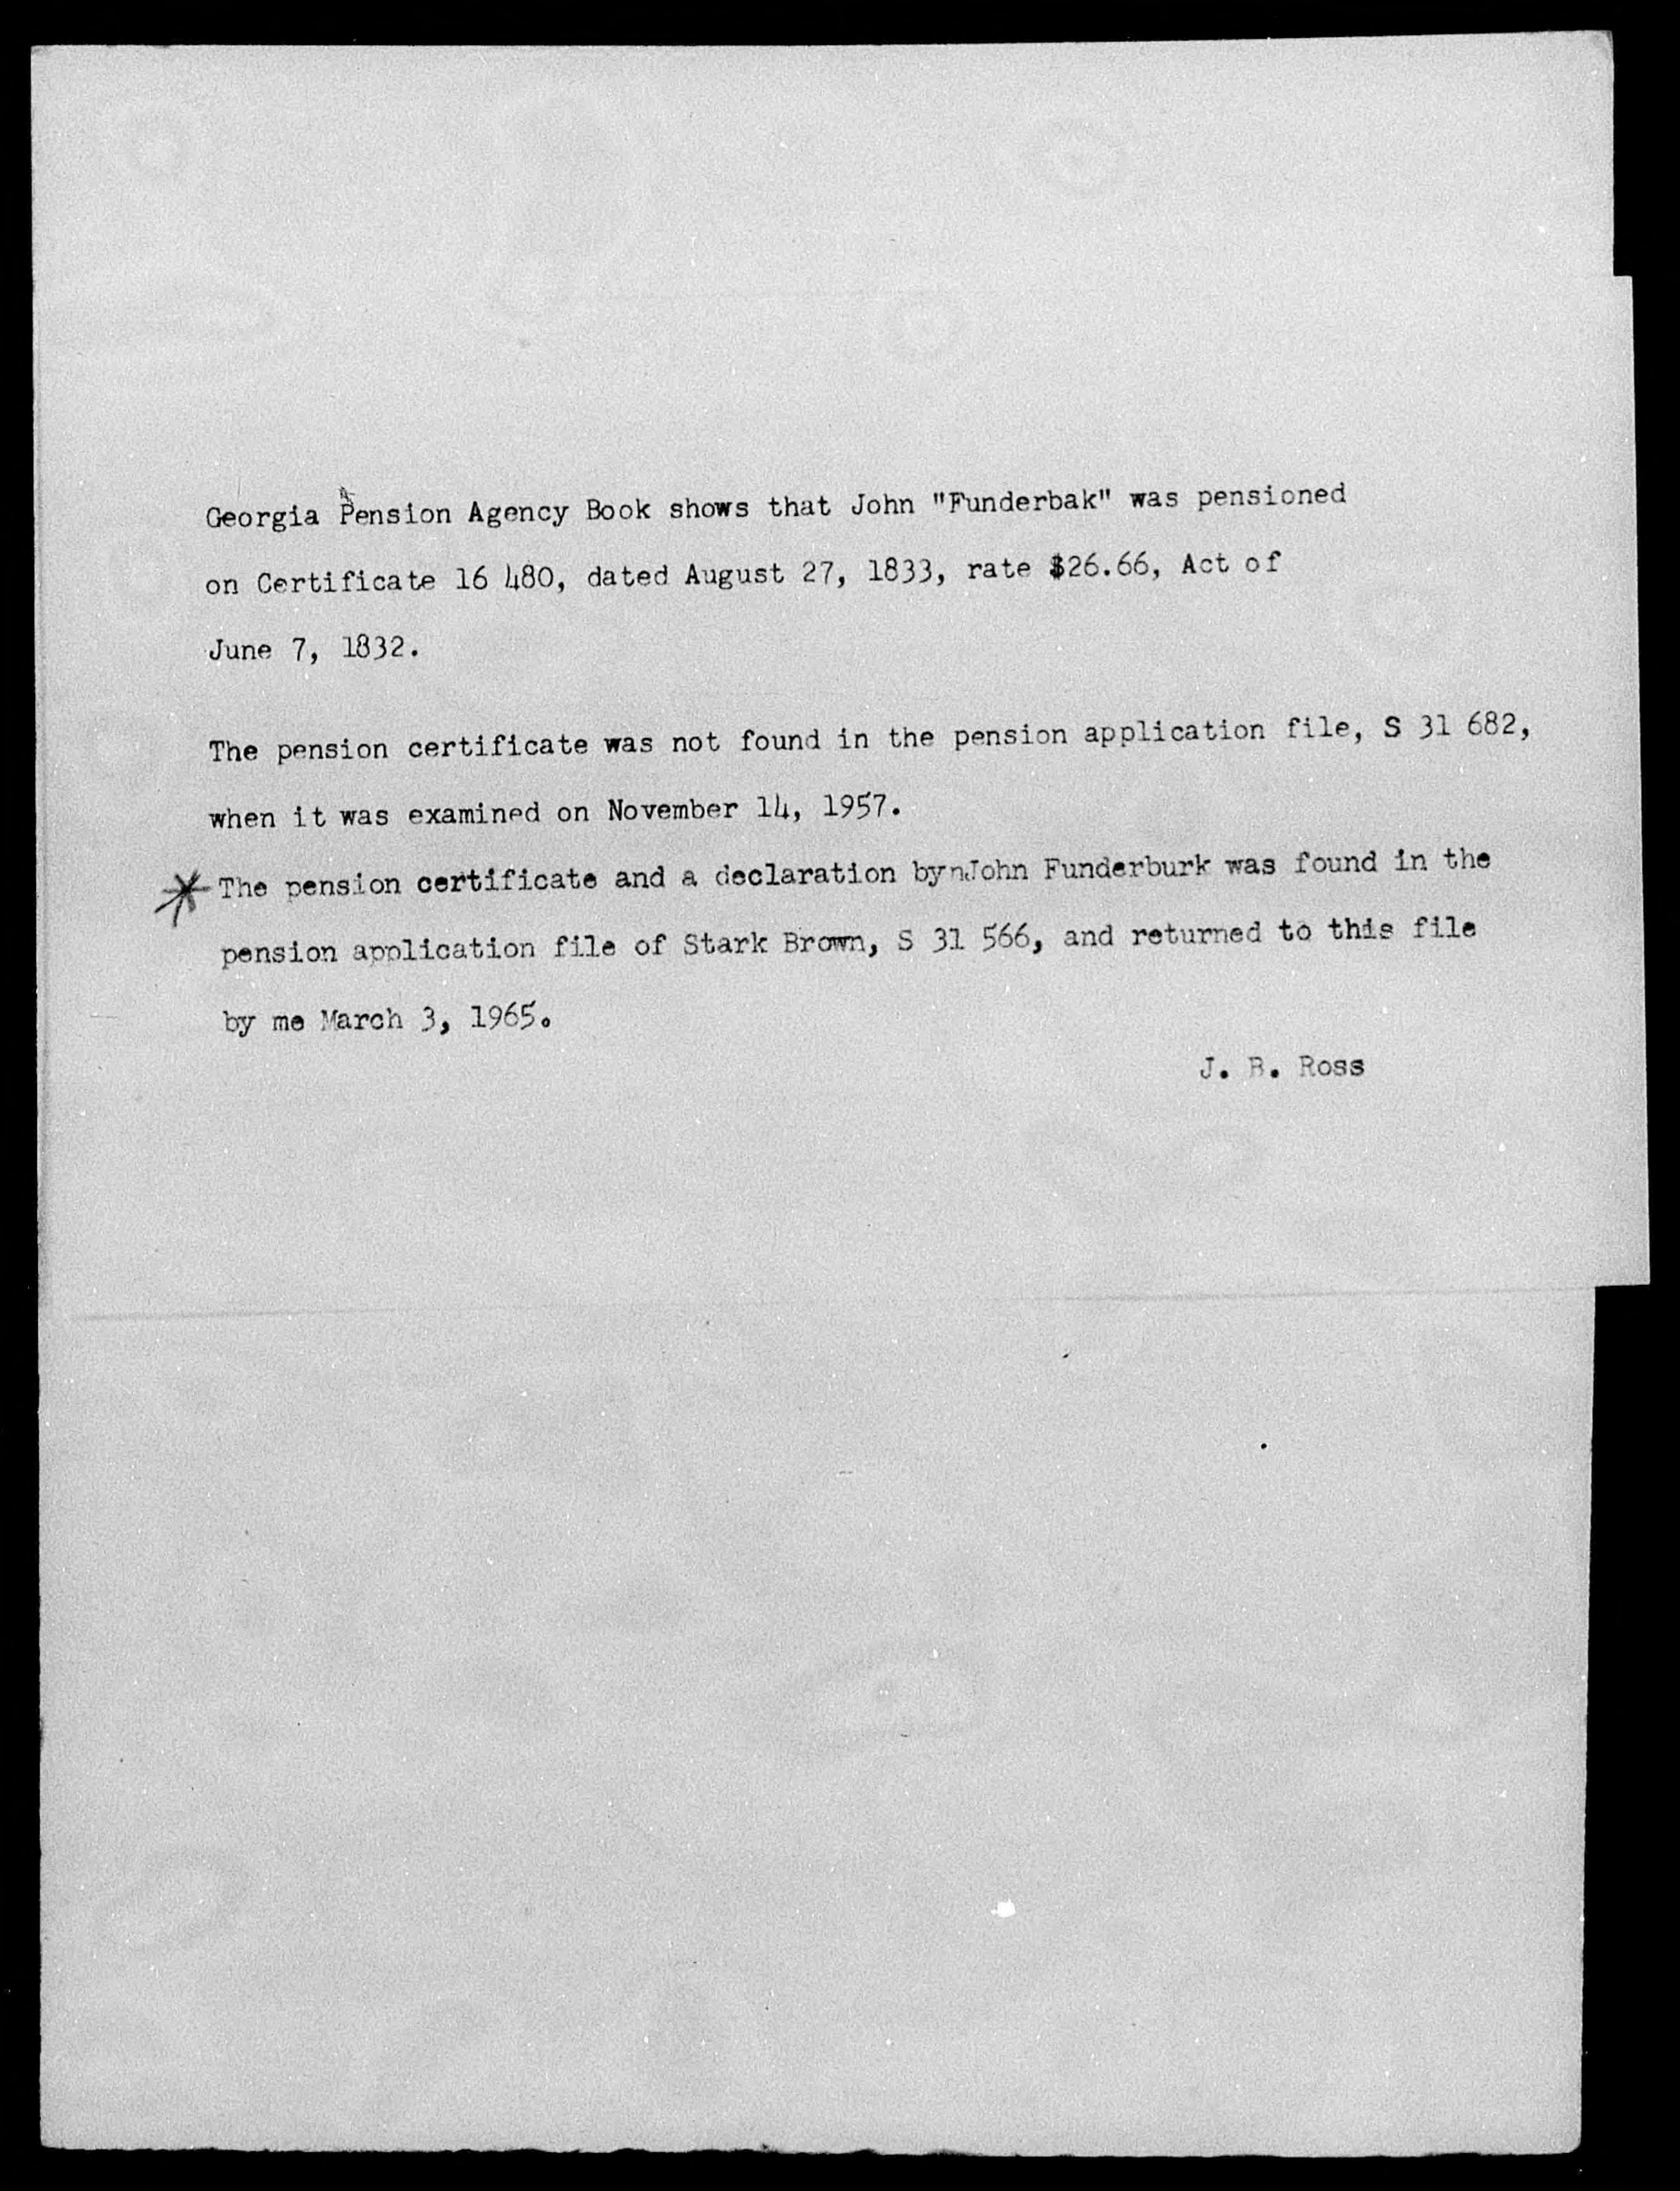Georgia Pension Agency Book shows that John "Funderbak" was pensioned
on Certificate 16 480, dated August 27, 1833, rate $26.66, Act of 
June 7, 1832.

The pension certificate was not found in the pension application file, S 31 682,
when it was examined on November 14, 1957.

*The pension certificate and a declaration by John Funderburk was found in the 
pension application file of Stark Brown, S 31 566, and returned to this file
by me March 3, 1965.

J. B. Ross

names: John Funderbak, J B Ross, John Funderburk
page: 21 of 23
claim: survivor's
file: S. 31,682, John Funderbuck, S.C.